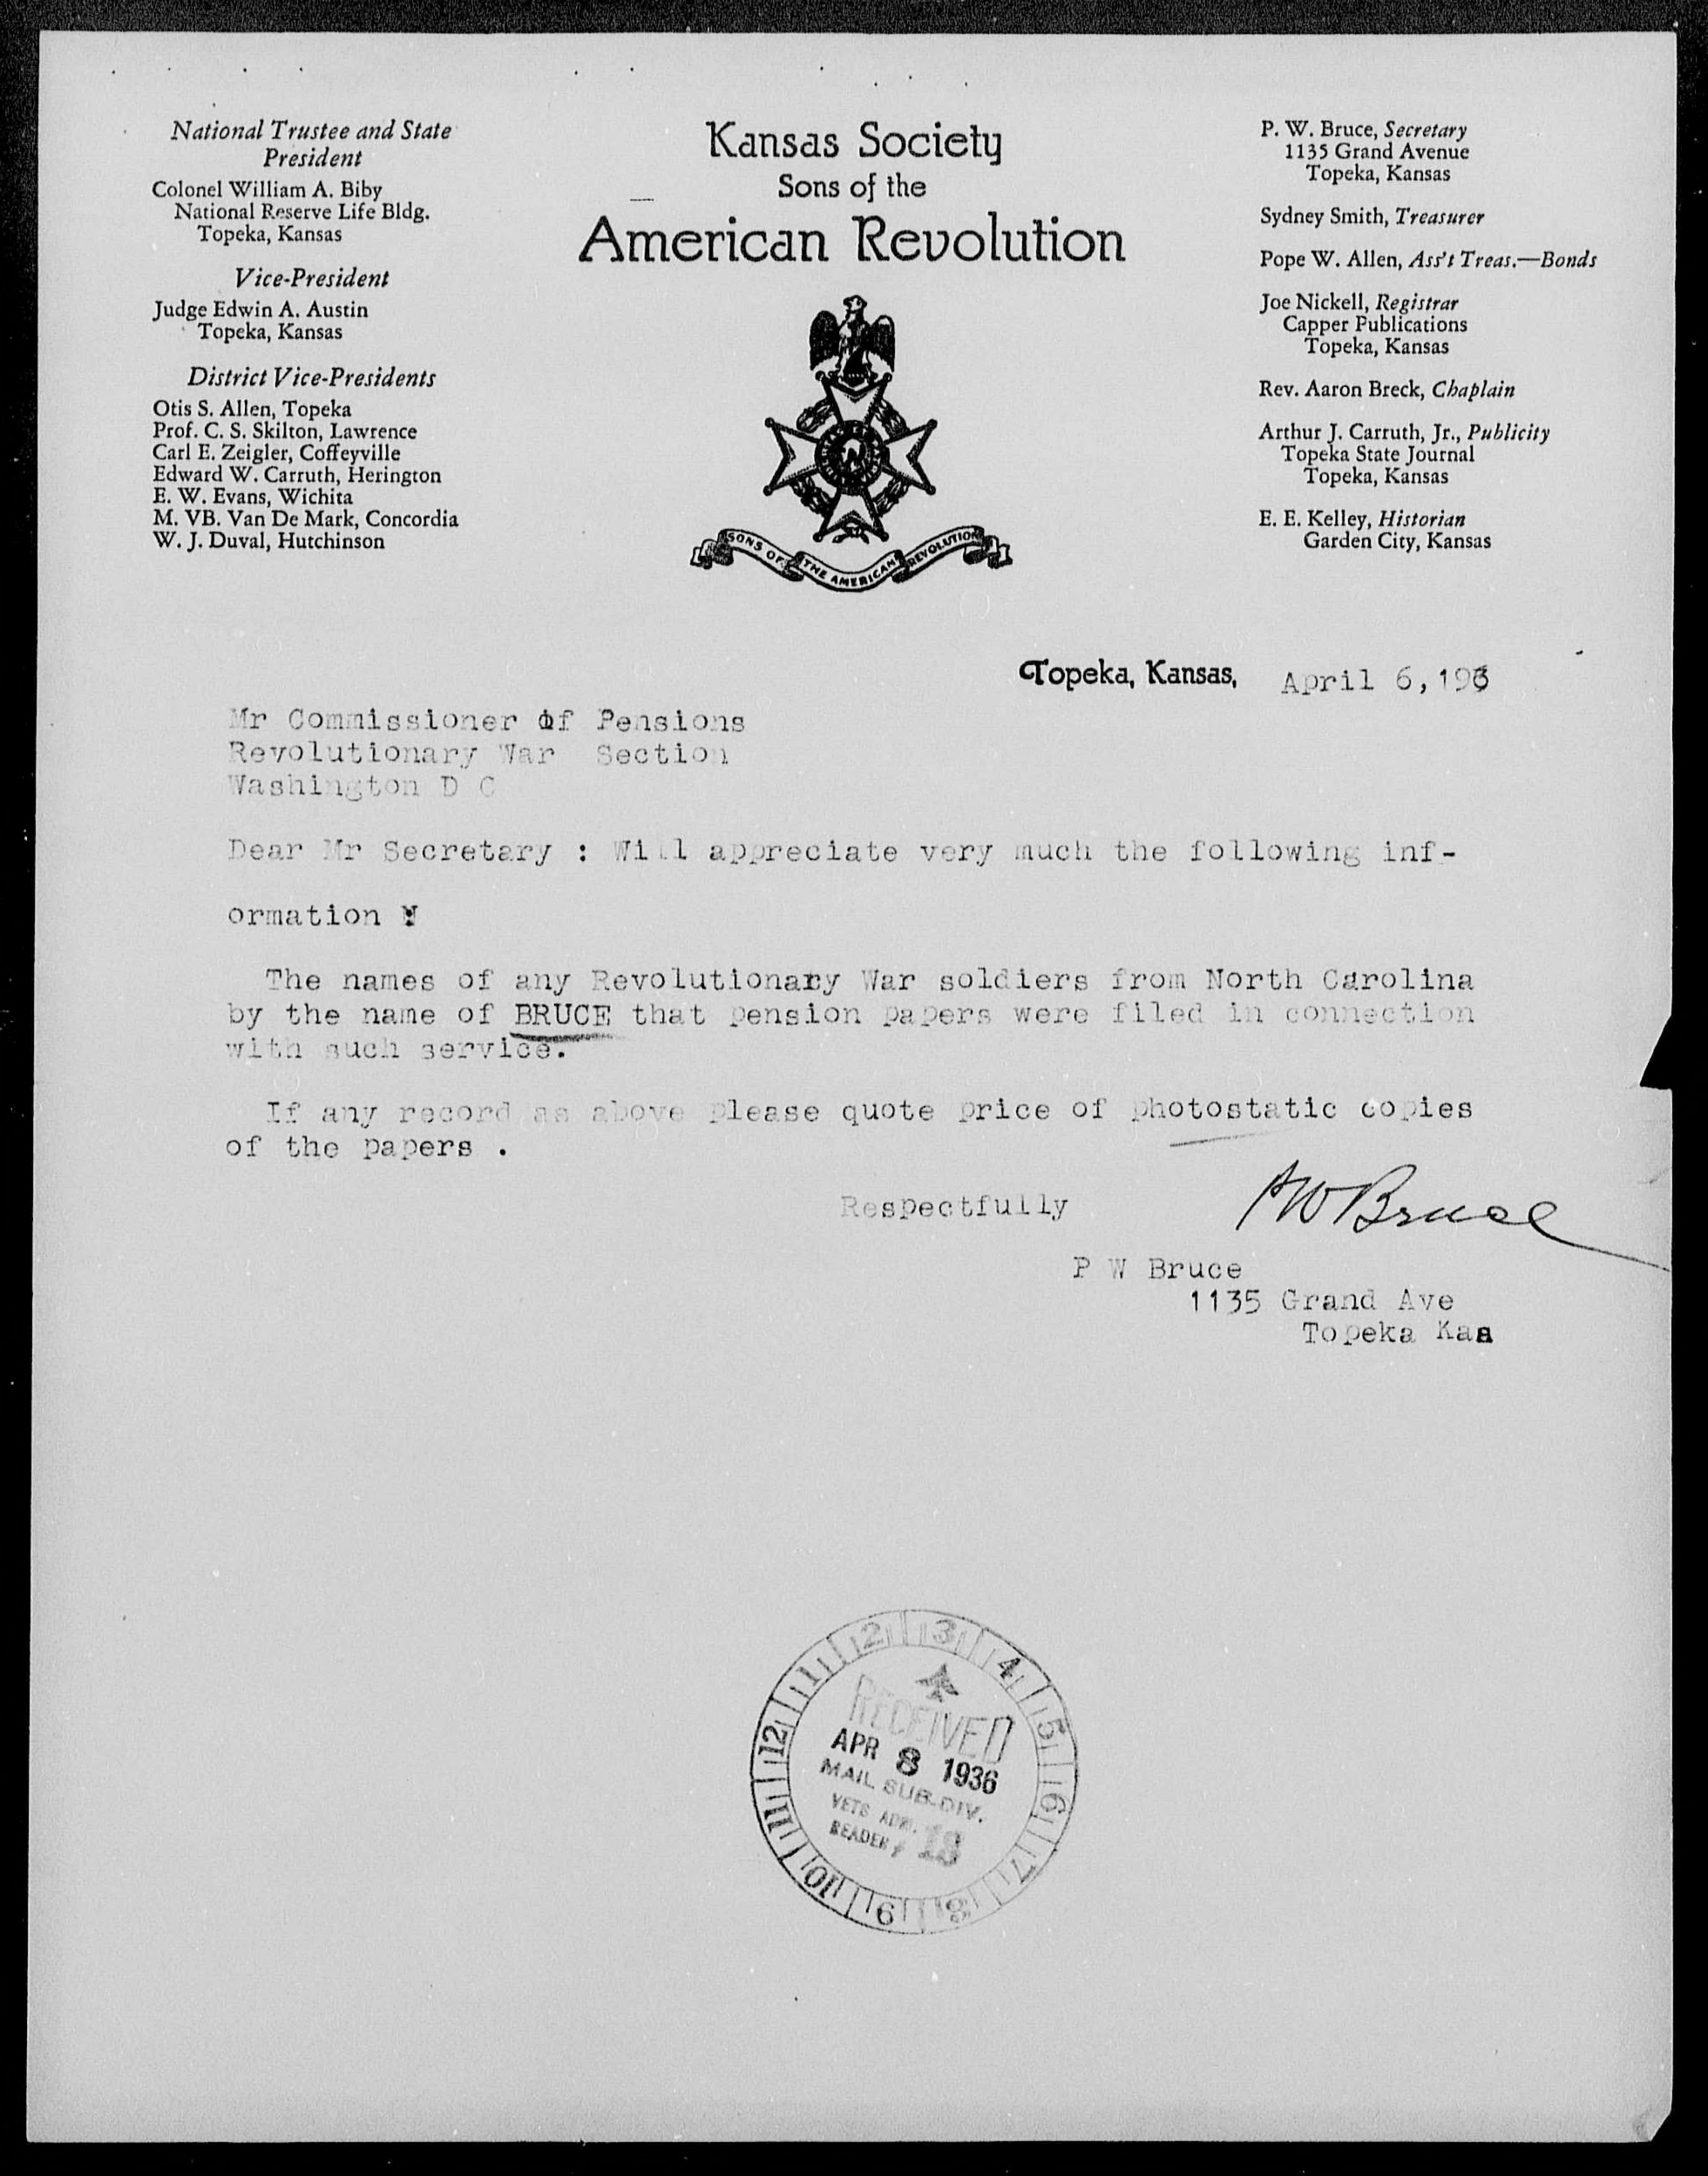[typed form, with handwritten responses Letterhead]

[left side of letterhead] National Trustee and State President Colonel William A. Biby National Reserve Life Bldg. Topeka, Kansas Vice-President Judge Edwin A. Austin Topeka, Kansas District Vice-Presidents Otis S. Allen, Topeka Prof. C. S. Skilton, Lawrence Carl E. Zeigler, Coffeyville Edward W. Carruth, Herington E. W. Evans, Wichita M. B. Van De Mark, Concordia W. J. Duval, Hutchinson 

[center of letterhead] Kansas Society Sons of the American Revolution 

[right side of letterhead] P. W. Bruce, Secretary 1135 Grand Avenue Topeka, Kansas Sydney Smith, Treasurer Pope W. Allen, Ass't Treas. -- Bonds Joe Nickell, Registrar Capper Publications Topeka, Kansas Rev. Aaron Breck, Chaplain Arthur J. Carruth, Jr., Publicity Topeka State Journal Topeka, Kansas E. E. Kelley, Historian Garden City, Kansas 

Topeka, Kansas, April 6, 19[typo] [1936]

Mr. Commissioner of Pensions 
Revolutionary War Section 
Washington D C 

Dear Mr. Secretary: Will appreciate very much the following information: 
The names of any Revolutionary War soldiers from North Carolina by the name of BRUCE that pension papers were filed in connection with such service. 

If any record as above, please quote price of photostatic copies of the papers. 

Respectfully P W Bruce
P W Bruce 
1135 Grand Ave
Topeka Kas

[circular stamp with Numbers 1 -12 around the outside] RECEIVED APR 8 1936 MAIL SUB-DIV, VETS. ADM. READER #13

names: P W Bruce, Arthur J Carruth, E E Kelley, Sydney Smith, P W Bruce, Carl E Zeigler, E W Evans, Edwin A Austin, Edward W Carruth, Pope W Allen, M V B Van De Mark, Joe Nickell, William A Biby, P W Bruce, C S Skilton, Otis S Allen, W J Duval, Bruce, Aaron Breck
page: 40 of 54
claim: survivor's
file: S. 30287, William Bruce, N.C.